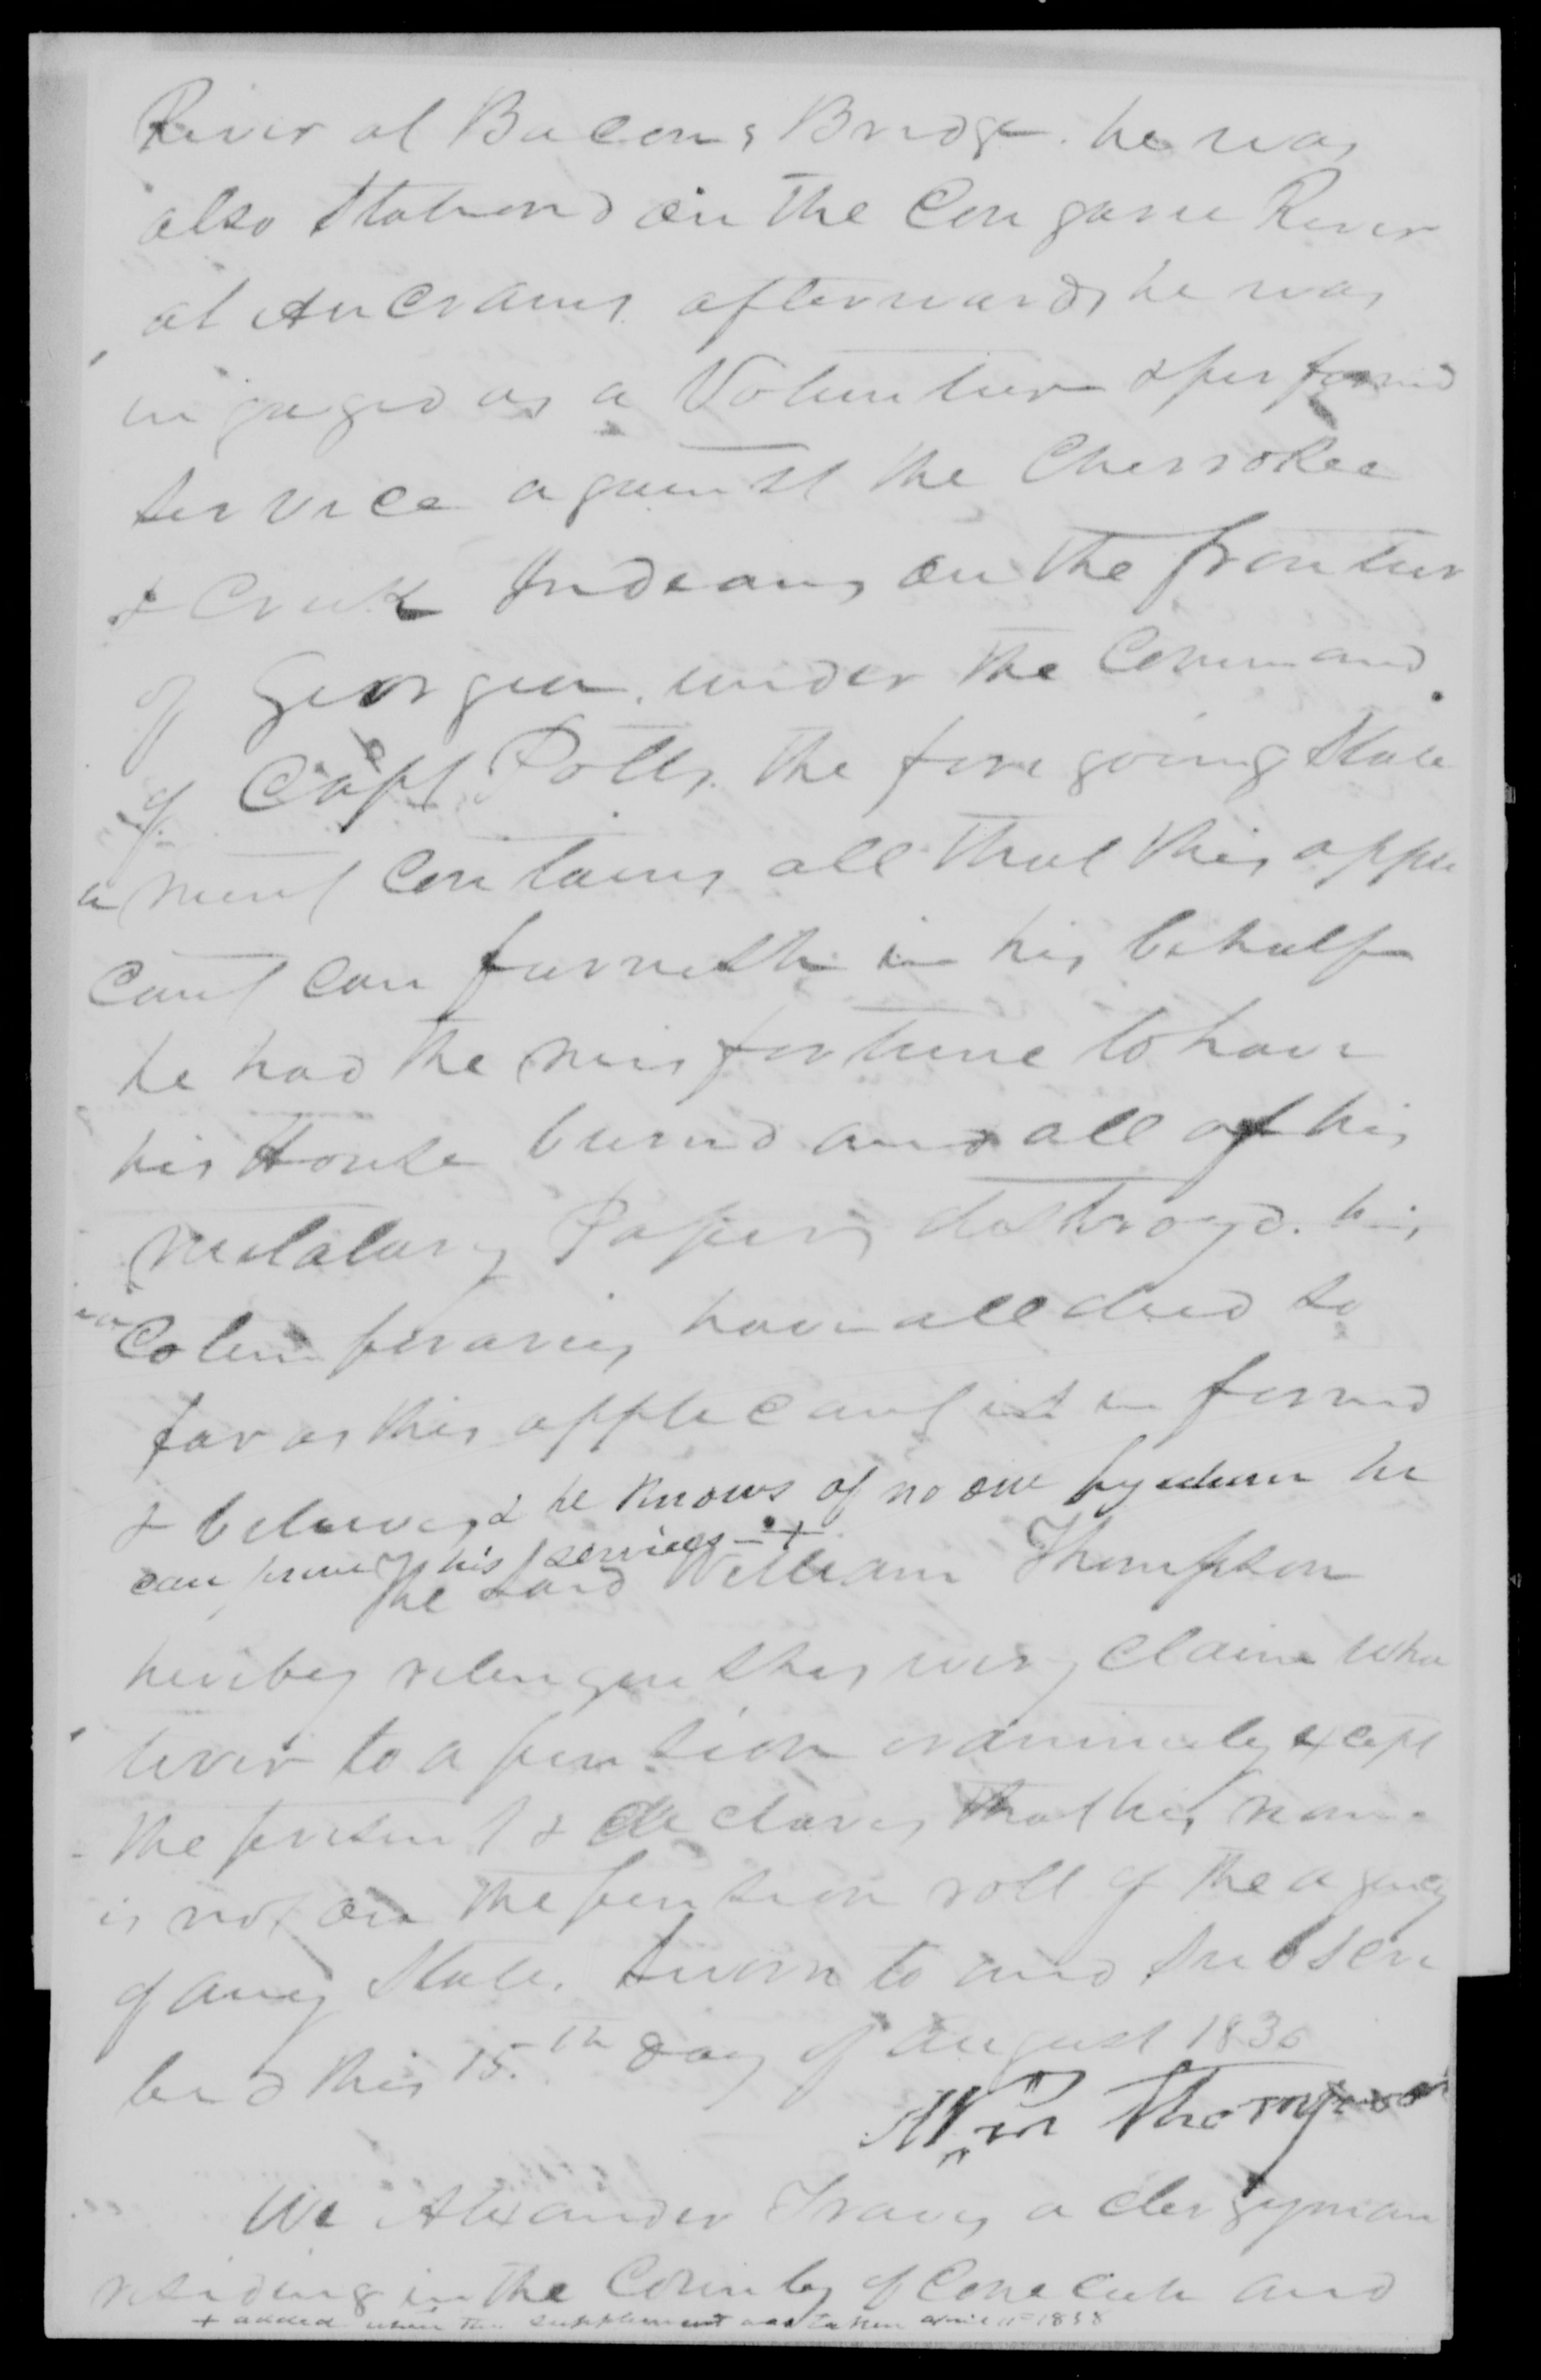River at Bacons Bridge, he was
also station in the Congaree River
at Ancrams [?] afterwards he was
engaged as a volunteer & performed
service against the Cherokee and
Creek Indians on the frontier
of Georgia under the command
Capt Polls. the foregoing Statement contains all that this applicant can furnish in his behalf. he
had the misfortune to have
his house burned and all of his
Military Paper destroyed Colem Perarcy [sic] has all deed so
far as this applicants formed
believe he knows of no on [illegible]
who can [illegible] his services
The said William Thompson
hereby relinquishes every claim
whatever to a pension or annuity except the present & declares that his name is not on the pension roll of the  [illegible] of any State. 
William Thompson
Sworn to and subscribe this 18th day of August 1836

We Alexander Graves a clergyman
residing in the County of Conecuh and added when the supplement was taken in April 11, 1838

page: 9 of 16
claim: rejected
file: R. 10561, for William Thompson, South Carolina